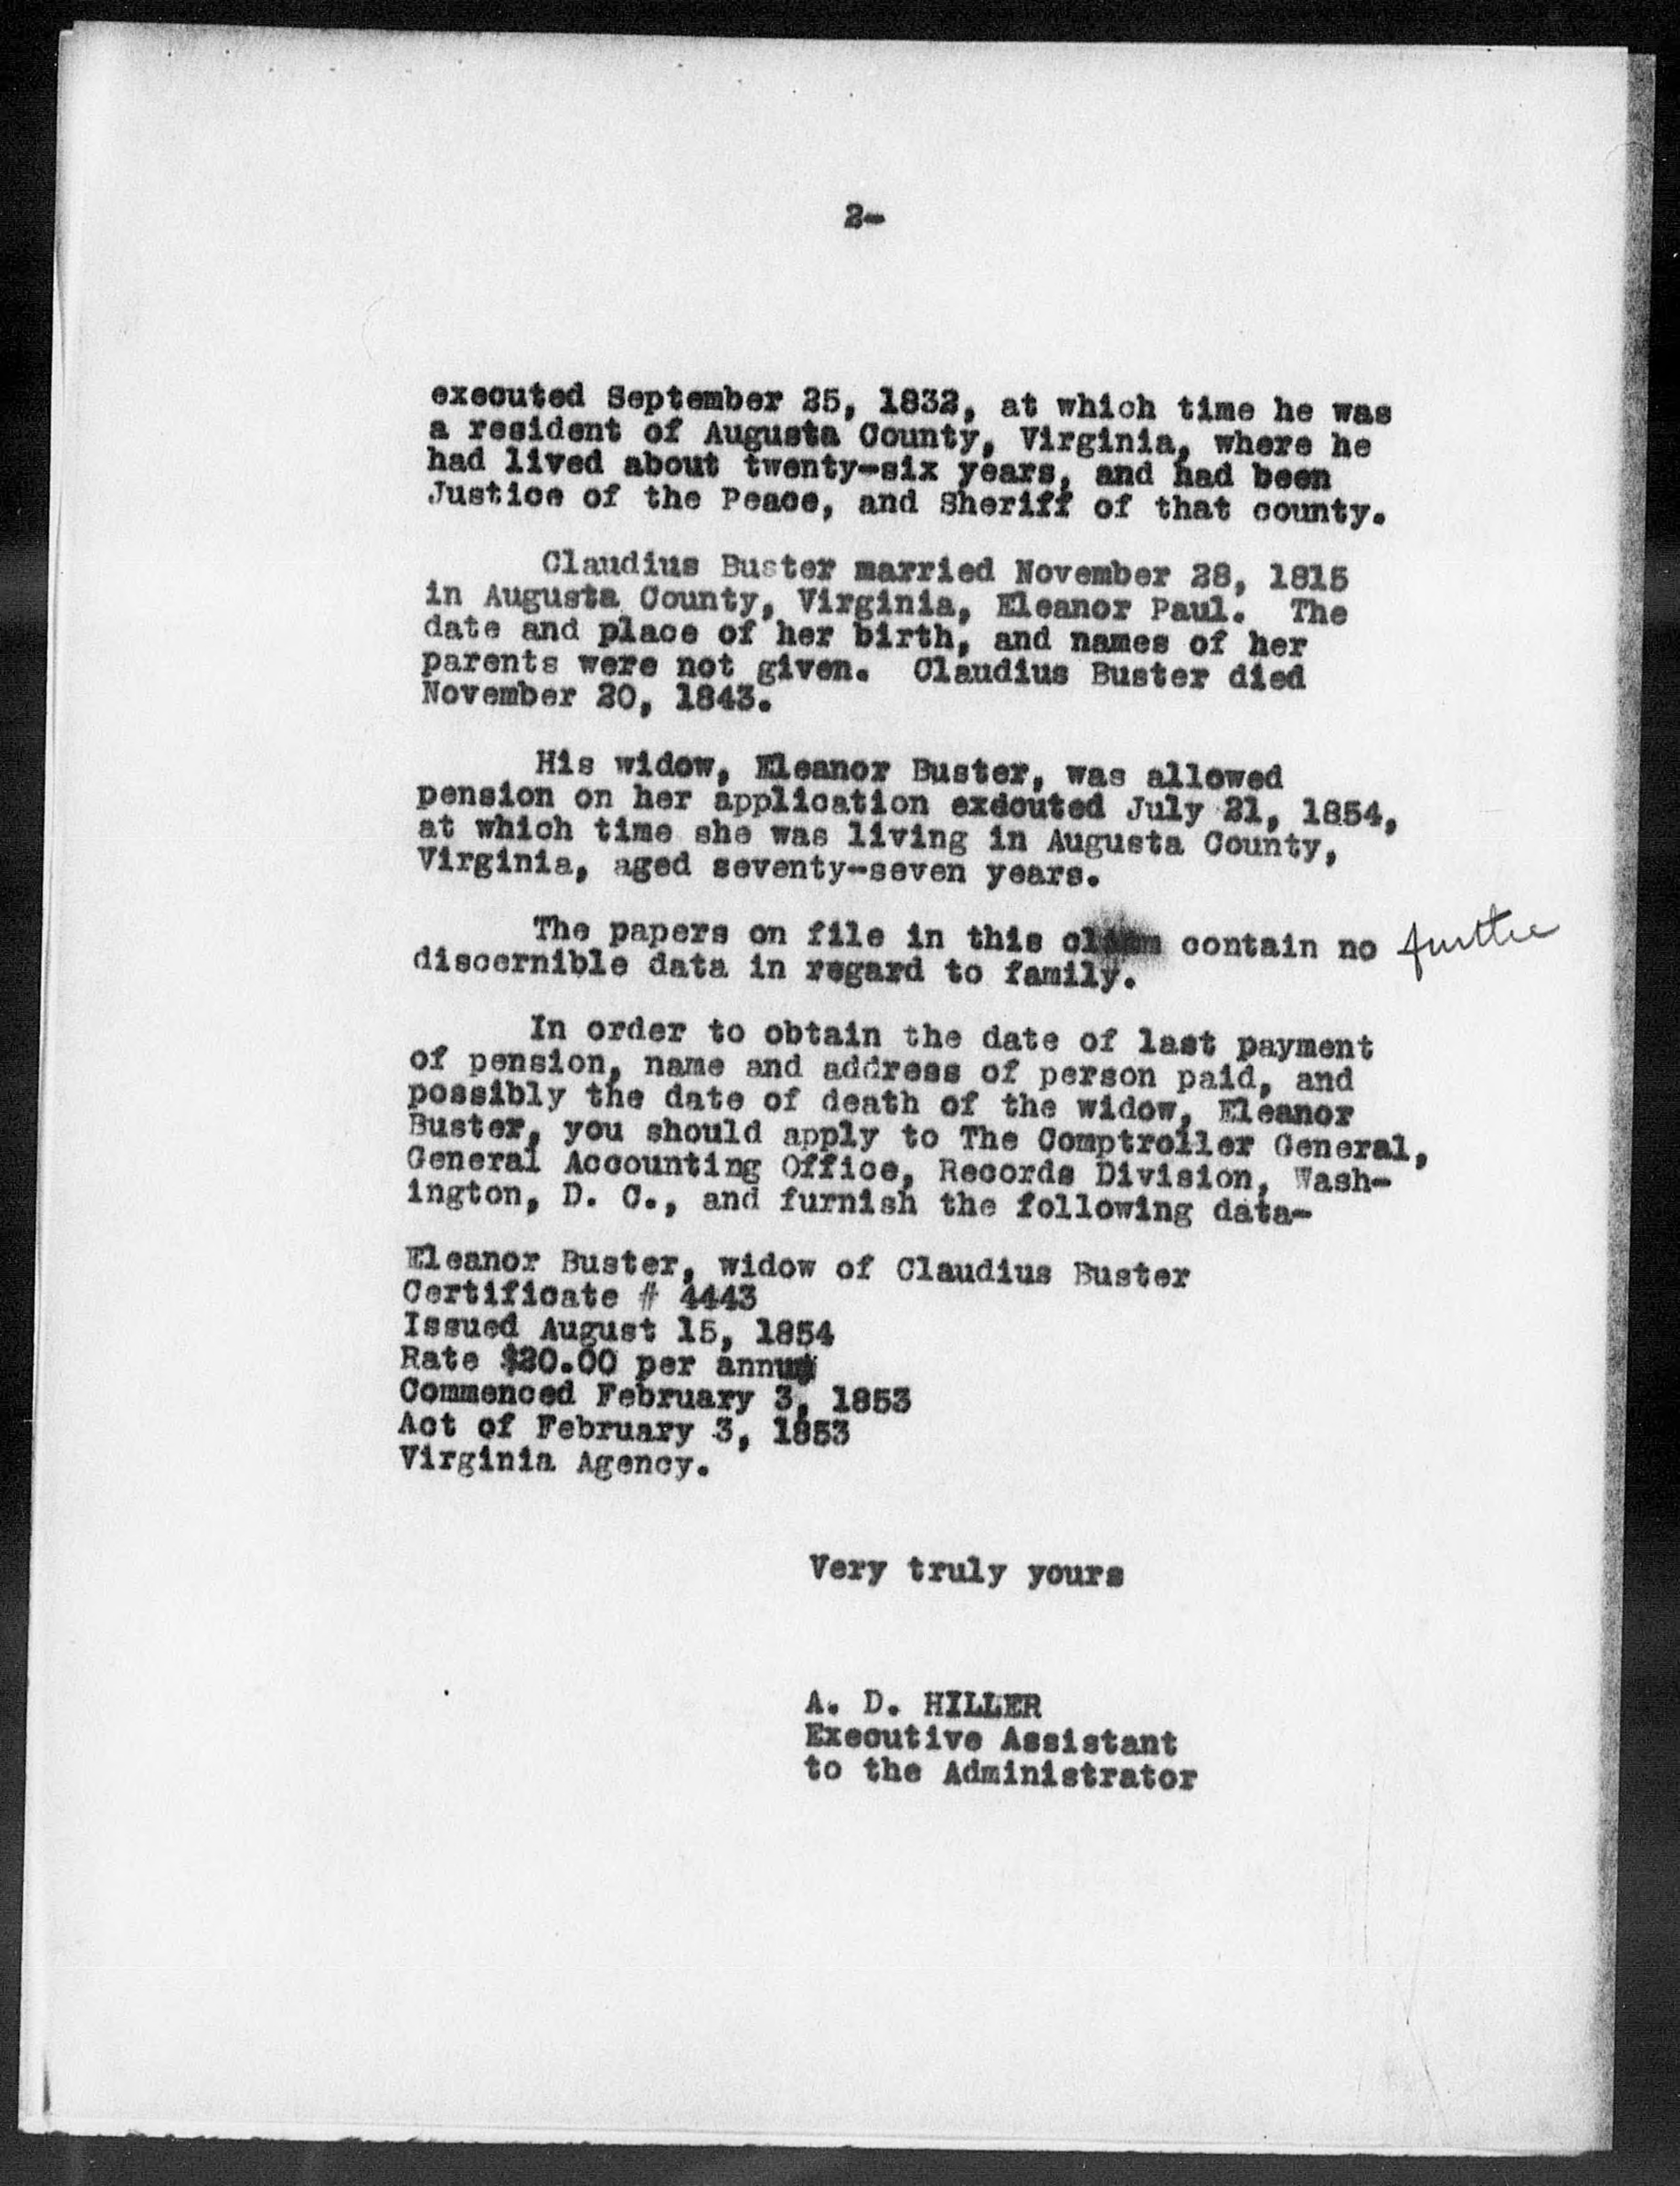2-

executed September 25, 1832, at which time he was a resident of Augusta County, Virginia, where he had lived about twenty-six years, and had been Justice of the Peace, and Sheriff of that county.

Claudius Buster married November 28, 1815 in Augusta county, Virginia, Eleanor Paul. The date and place of her birth, and names of her parents not given. Claudius Buster died November 20, 1843.

His widow, Eleanor Buster, was allowed pension on her application executed July 21, 1854, at which time she was living in Augusta County, Virginia, aged seventy-seven years.

The papers on file in this claim contain no further discernable data in regard to family.

In order to obtain the date of last payment, name and address of person paid, and possibly the date of death of this widow, you should apply to The Comptroller General, General Accounting Office, this city, and furnish the following data-

Eleanor Buster, widow of Claudius Buster
Certificate #4443
Issued August 15, 1854
Rate $20.00 per annum
Commenced February 3, 1853
Act of February 3, 1853
Virginia Agency.

Very truly yours
A. D. HILLER
Executive Assistant to the Administrator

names: Eleanor Buster, Claudius Buster, Eleanor Buster, Claudius Buster, Eleanor Paul, Claudius Buster, Eleanor Buster, A D Hiller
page: 65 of 71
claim: widow's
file: W. 25310, Claudius Buster, Va.